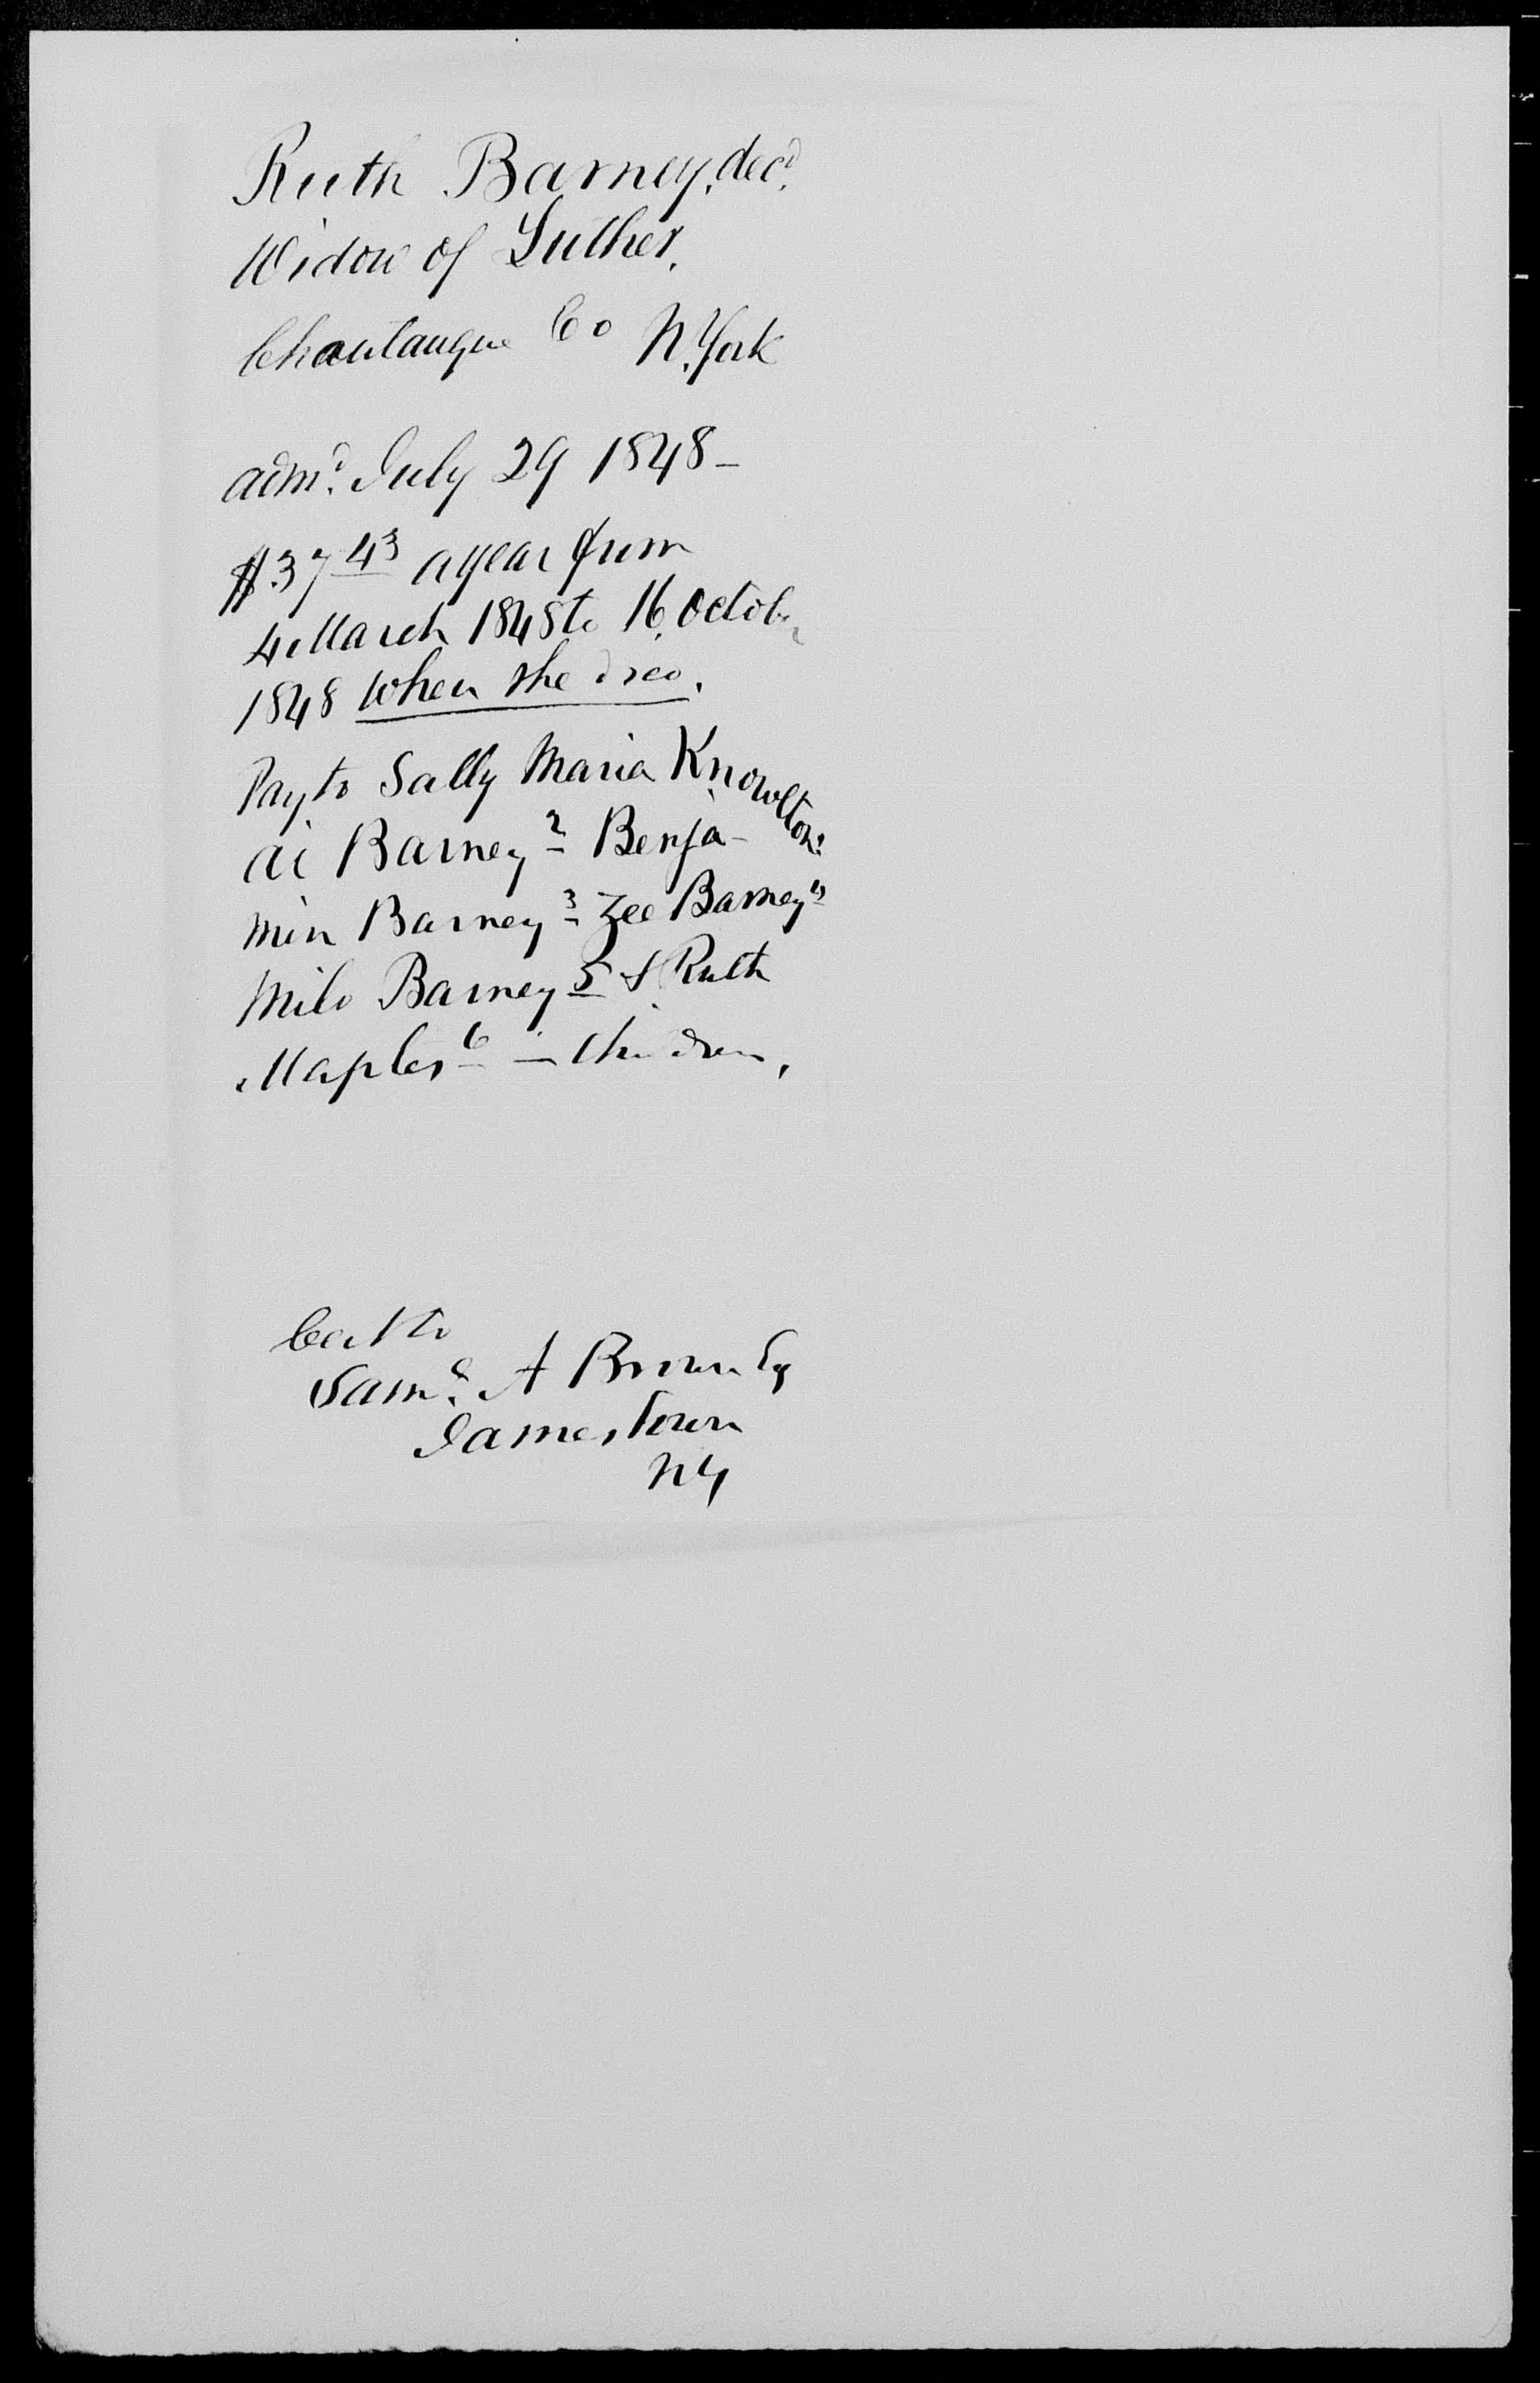Ruth Barney, decd
Widow of Luther,
Chautauqua Co N. York
Admd July 29 1848 - $37.43 a year from 4 March 1848 to 16 October 1848 when she died
Pay to Sally Maria Knowlton
Ai Barney 2 Benjamin Barney 3 Zee Barney 4
Milo Barney 5 & Ruth Maples 6 - children.
Cert to Saml A Brown Esq Jamestown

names: Ruth Maples, Zee Barney, Sally Maria Knowlton, Benjamin Barney, Luther Barney, Saml A Brown, Ruth Barney, Milo Barney, Ai Barney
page: 43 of 61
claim: widow's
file: W. 4.124, Luther Barney, Conn. Privateer.